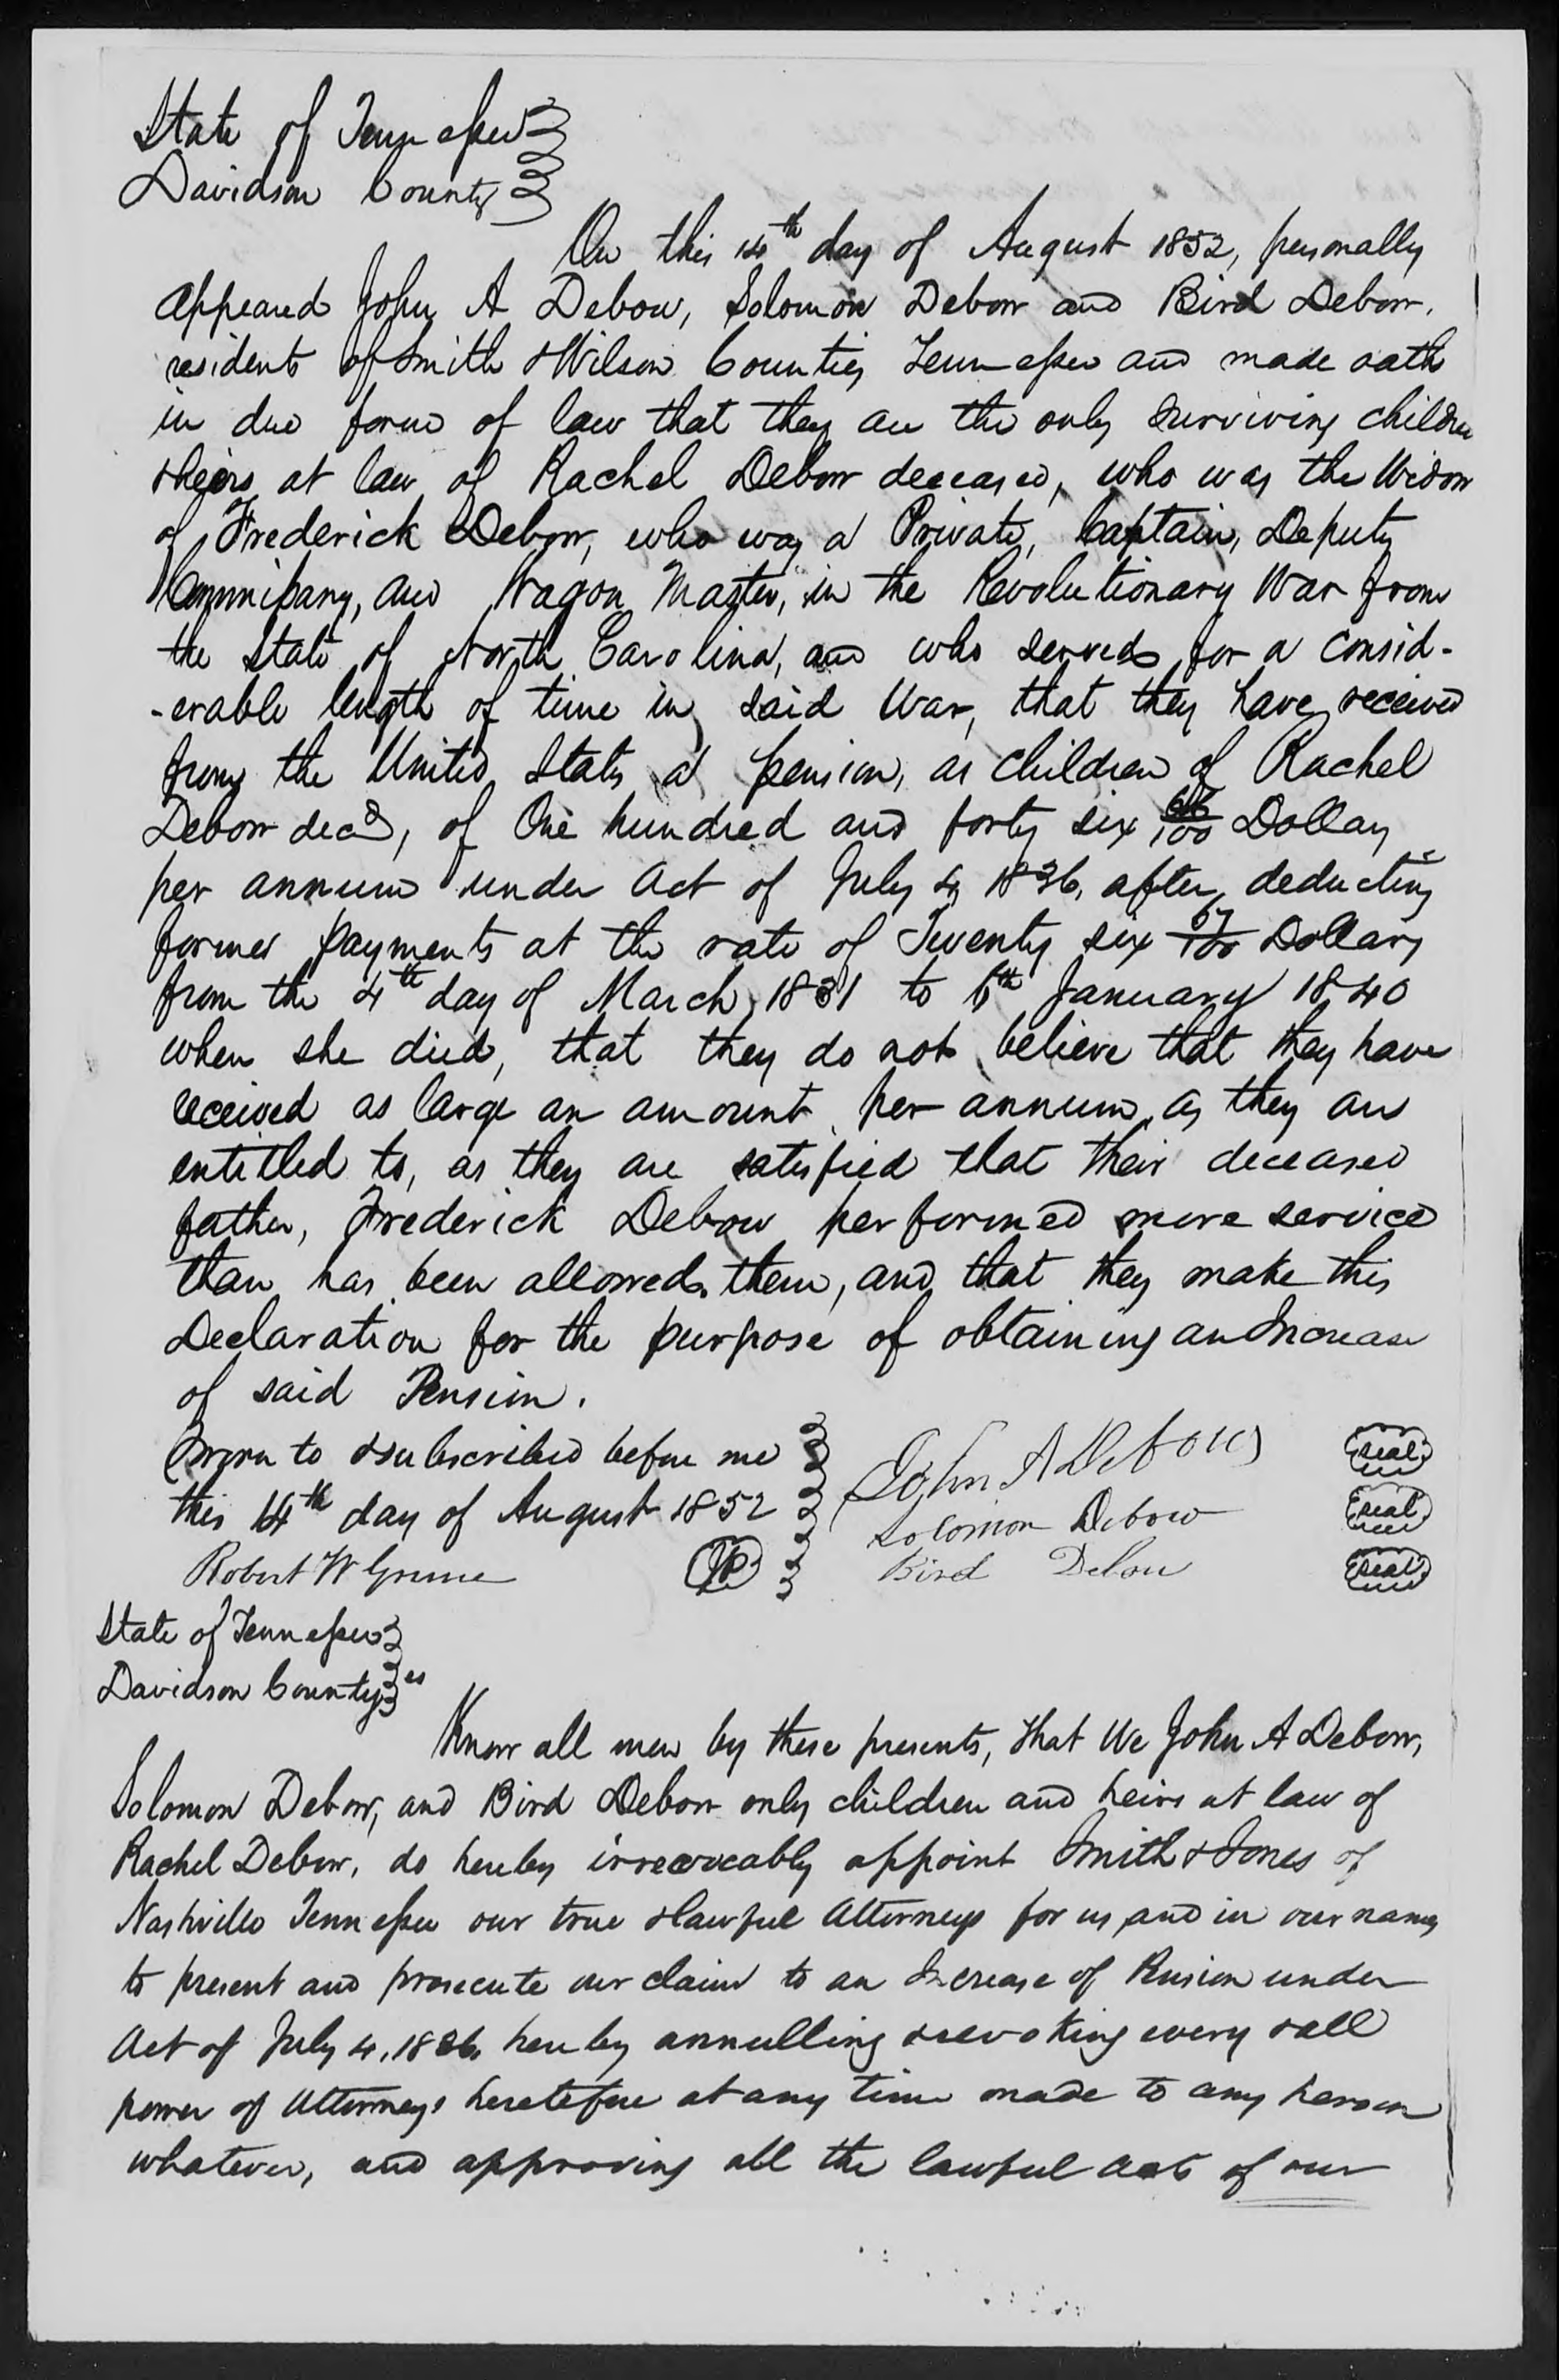State of Tennessee}
Davidson County}
On this 14th day of August of 1852, formally
Appeared John A Debow, Solomon Debow and Bird Debow,
Resident of Smith & Wilson Counties Tennessee and made oath
In duo form of law that they are the only surviving children
Theirs at law of Rachel Debow deceased who was the widow 
Of Frederick Debow, who was a Private, Captain, Deputy
Company, and Wagon Master, in the Revolutionary War from
The State of North Carolina, and who served for a consid-
-erable length of time in said war, that they have received
From the United States a pension as children of Rachel
Debow deceased of One hundred and forty six 46/100 Dollar
Per annum under Act of July 4 1836, after deducting
Former payments at the rate of Twenty six 67/100 Dollars
From the 4th day of March 1831 to 6th January 1840
When she died, that they do ask believe that they have
Received as they are satisfied that their deceased
Father, Frederick Debow her formed more service
Than has been allowed them, and that they make this
Declaration for the purpose of obtaining an increase
Of said pension.
Sworn to &  before me}	John A Debow
This 14th day of August 1852} Solomon Debow
Robert W Greene  JP}		Bird Debow

State of Tennessee}
Davidson County}

Know all men by there presents, that we John A Debow,
Solomon Debow, and Bird Debow only children and heirs at law of
Rachel Debow, do hereby irrevocably appoint Smith & Jones of
Nashville, Tennessee our true & lawful Attorney for us and in our names,
Is present and prosecute our claim to an increase of pension under
Act of July 4, 1836. Hereby annulling & revoking every & all
Power of attorney, hereafter at any time made to any heirs in
Whatever, and approving all the lawful act of our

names: John A Debow, Rachel Debow, Rachel Debow, John A Debow, Bird Debow, Bird Debow, Solomon Debow, Rachel Debow, Robert W Greene, Solomon Debow, John A Debow, Solomon Debow, Smith, Frederick Debow, Bird Debow, Jones, Frederick Debow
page: 8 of 62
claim: widow's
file: W 7005, Frederick Debow, N.C.